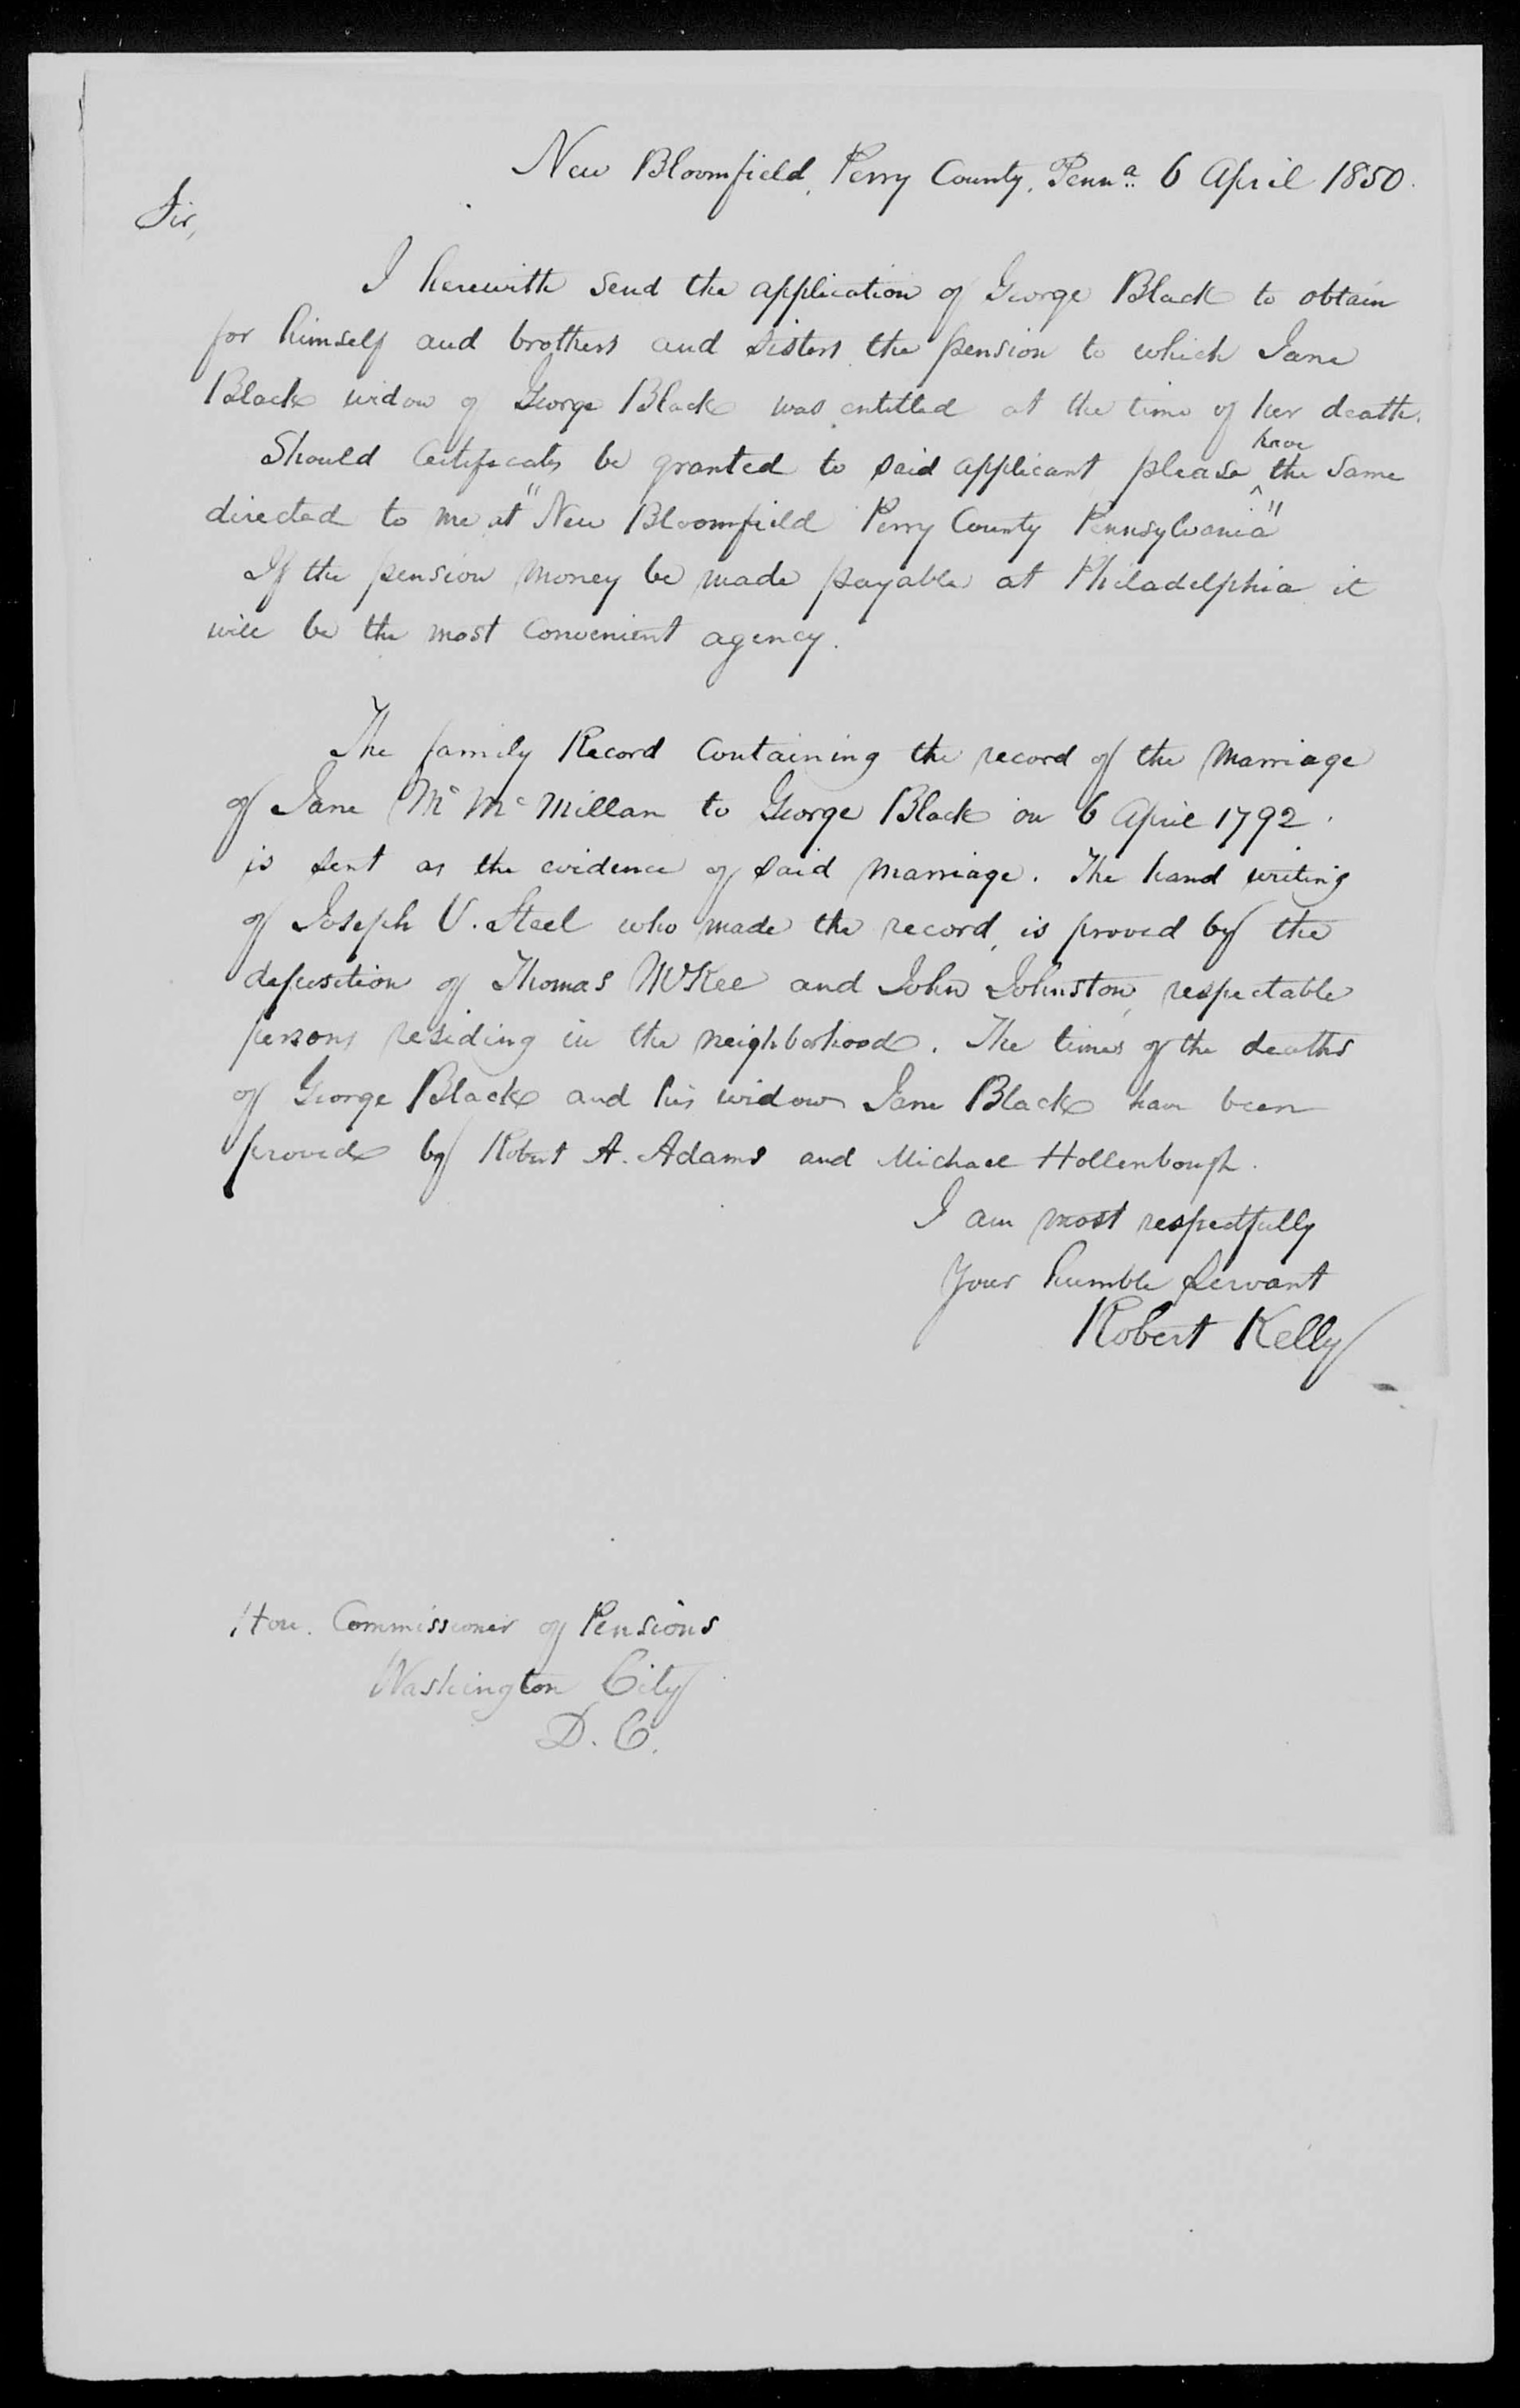New Bloomfield, Perry County, Penna April 1850.

Sir,
I herewith send the application of George Black to obtain for himself and brothers and sisters the pension to which Jane Black widow of George Black was entitled at the time of her death.
Should certificates be granted to said applicant please have the same directed to me at "New Bloomfield Perry County Pennsylvania"
If the pension money be made payable at Philadelphia it will be the most convenient agency.
The family Record containing the record of marriage of Jane Mc McMillan to George Black on 6 April 1792 is sent as the evidence of said marriage.  The hand writing of Joseph U. Steel who made the record is proved by the deposition of Thomas McKee and John Johnston, respectable persons residing in the neighborhood.  The times of the deaths of George Black and his widow Jane Black have been proved by Robert A. Adams and Michael Hollenbaugh.

I am most respectfully
your humble Servant
Robert Kelly

Hon. commissioner of Pensions
Washington City
D.C.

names: Michael Hollenbough, George Black, Thomas Mc Kee, Jane Black, Joseph V Stael, Robert A Adams, George Black, George Black, Jane Mc Mc Millan, Robert Kelly, George Black, Jane Black, John Johnston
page: 23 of 30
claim: widow's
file: W. 3211, George Black, Penn.